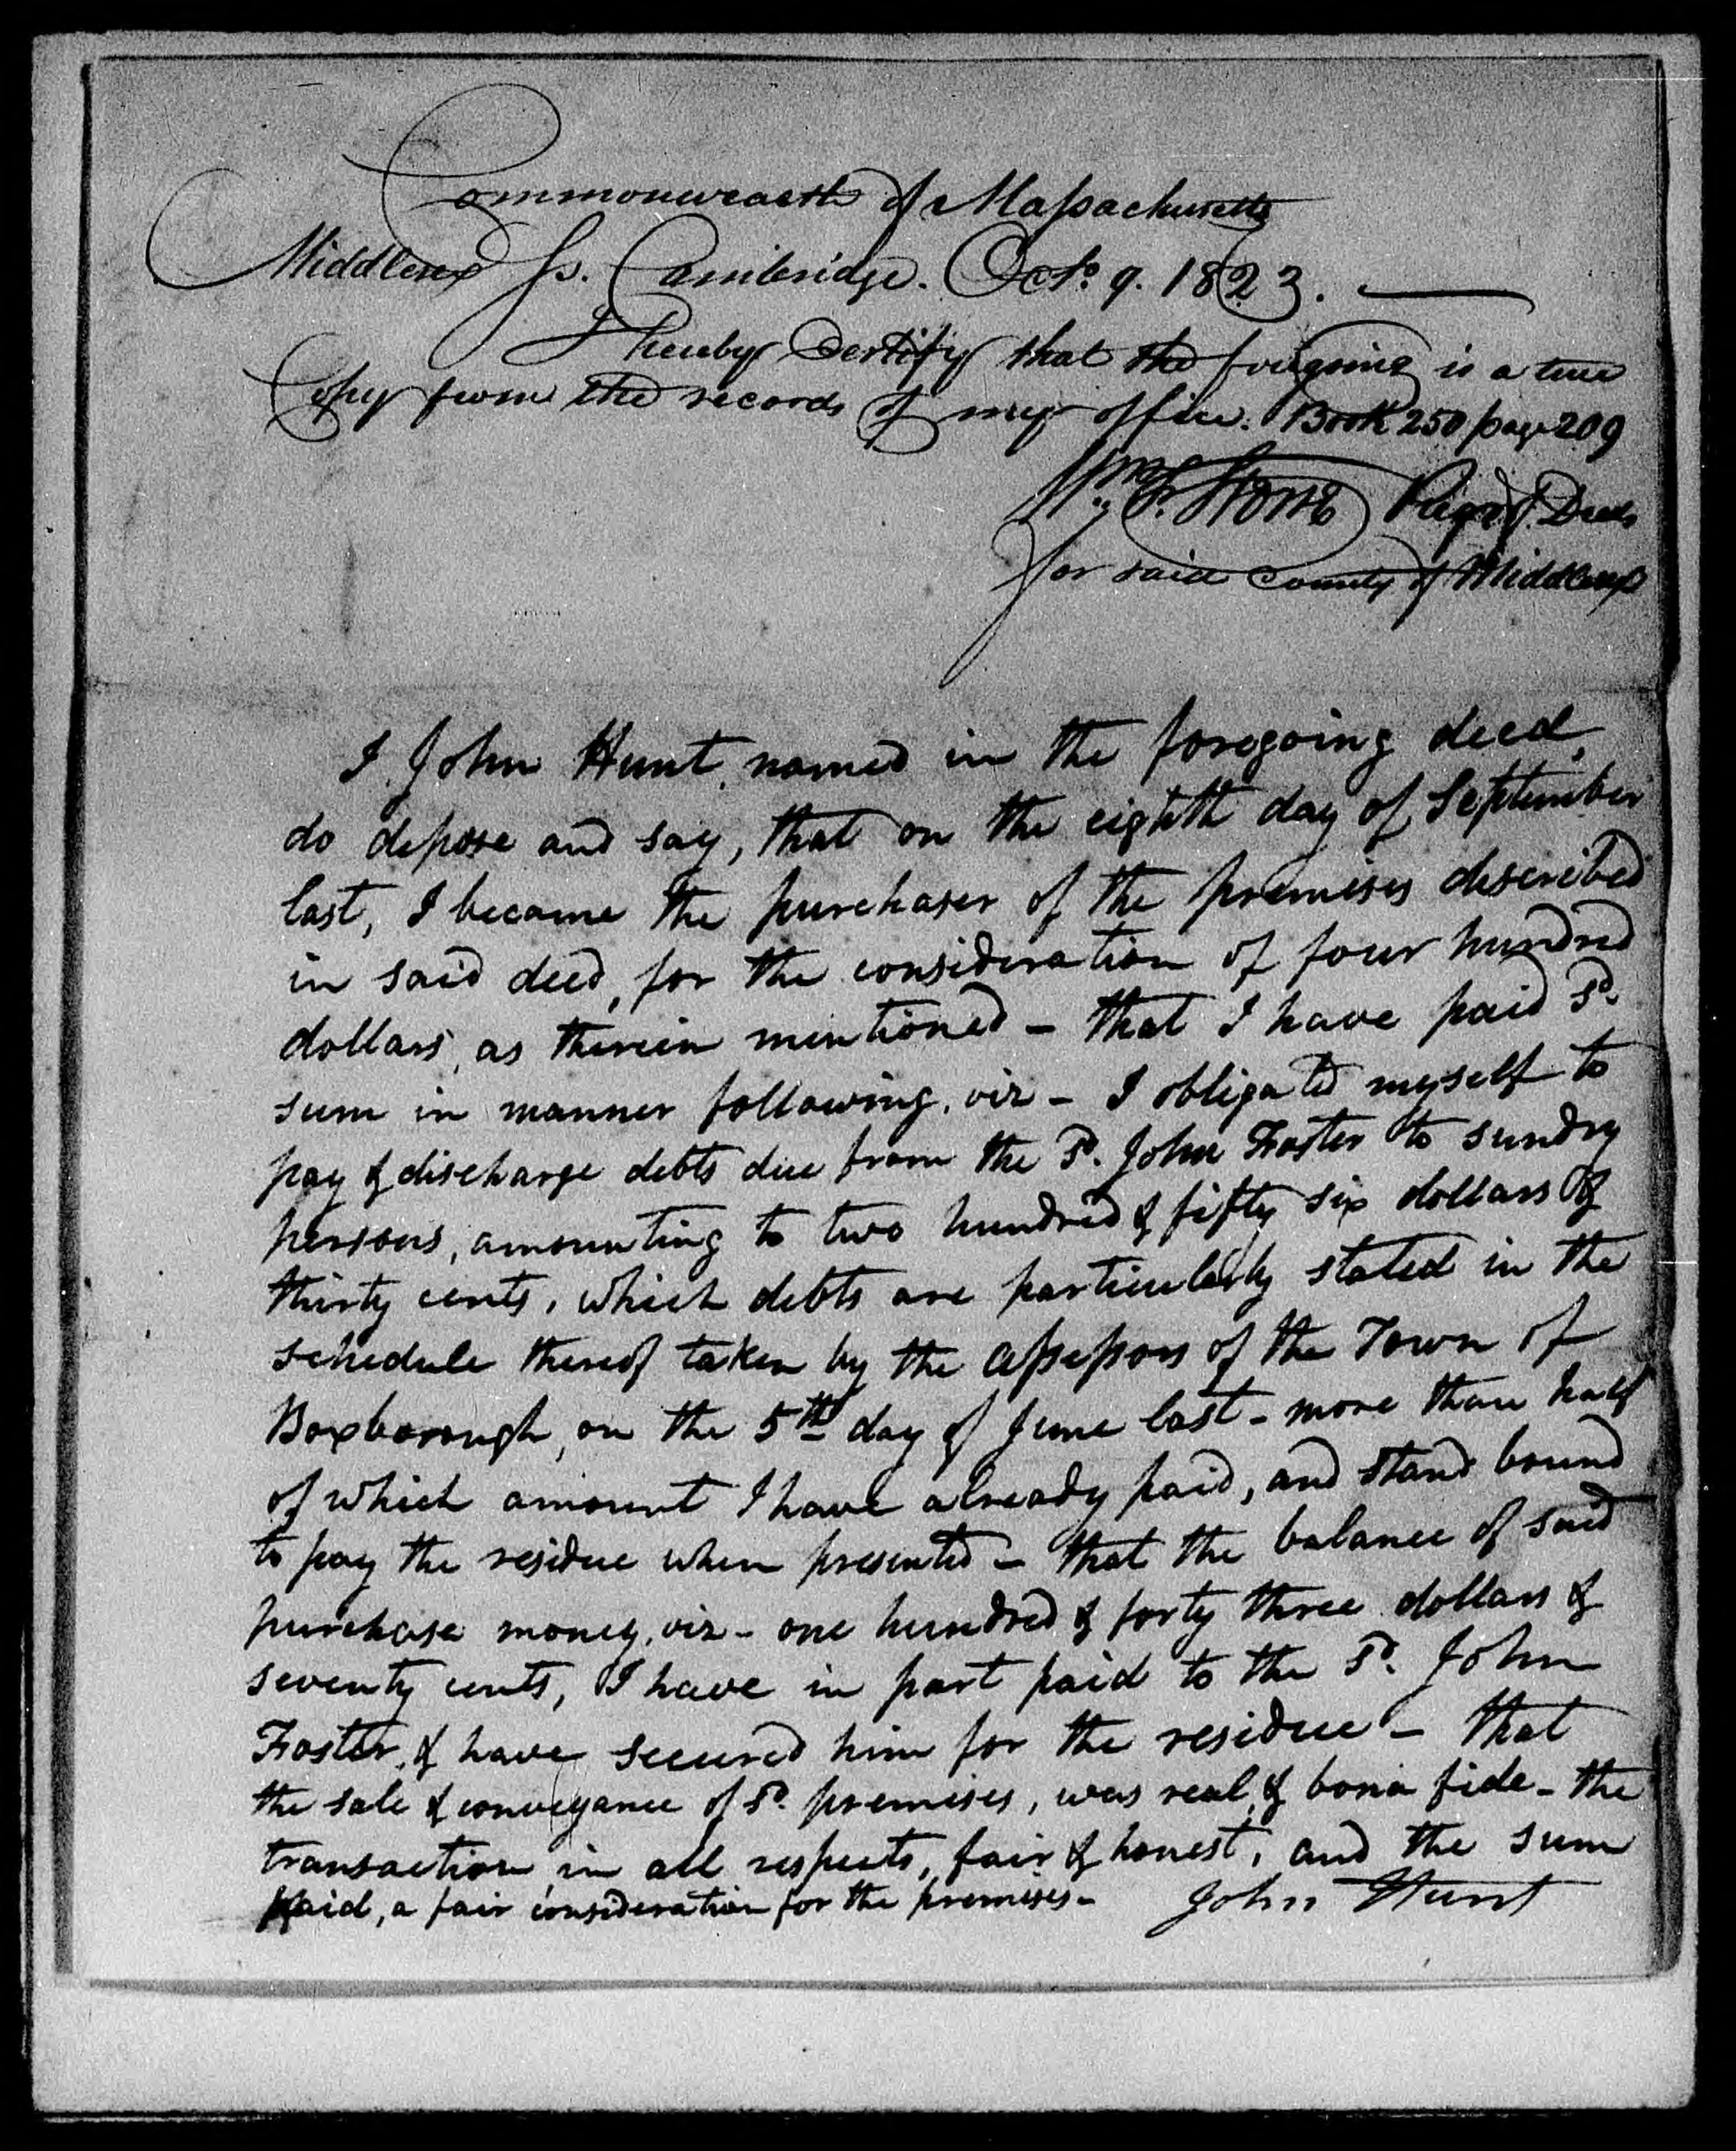Commonwealth of Massachusetts
Middlesex Cambridge Oct 9, 1823
I hereby certify that the foregoing is a tru copy from the records of my office. Book 250 page 209
William F. Stone Pager of Deeds for said county of Middlesex
I, John Hunt, named in the foregoing deed do depose and say that on the 8 Sep last, I became the purchaser of the premises described in said deed for the consideration of $400 as therein mentioned; that I have paid so sum in manner following, viz; I obligated  to pay and discharge debts due from the P. John Foster to sundry persona amounting to $256.30 which debts are particularly stated in the schedule thereof taken by the assessors of the town of Boxborough on the 5 June last more than half of which amount I have already paid, and stand bound to pay the residue when presented; that the balance of said 
purchase money viz: $143.70 I have in part paid to the said John Foster and have secured him for the residue; that the sale of conveyance of said premises was real and bona fide the transaction in all respect, fair and honest, and the sum paid, a fair consideration for the premises. John Hunt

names: John Foster, John Hunt, Wm F Stone, John Hunt, John Foster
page: 46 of 47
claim: widow's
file: W. 7,302, John Foster, Continental Mass. R.I.